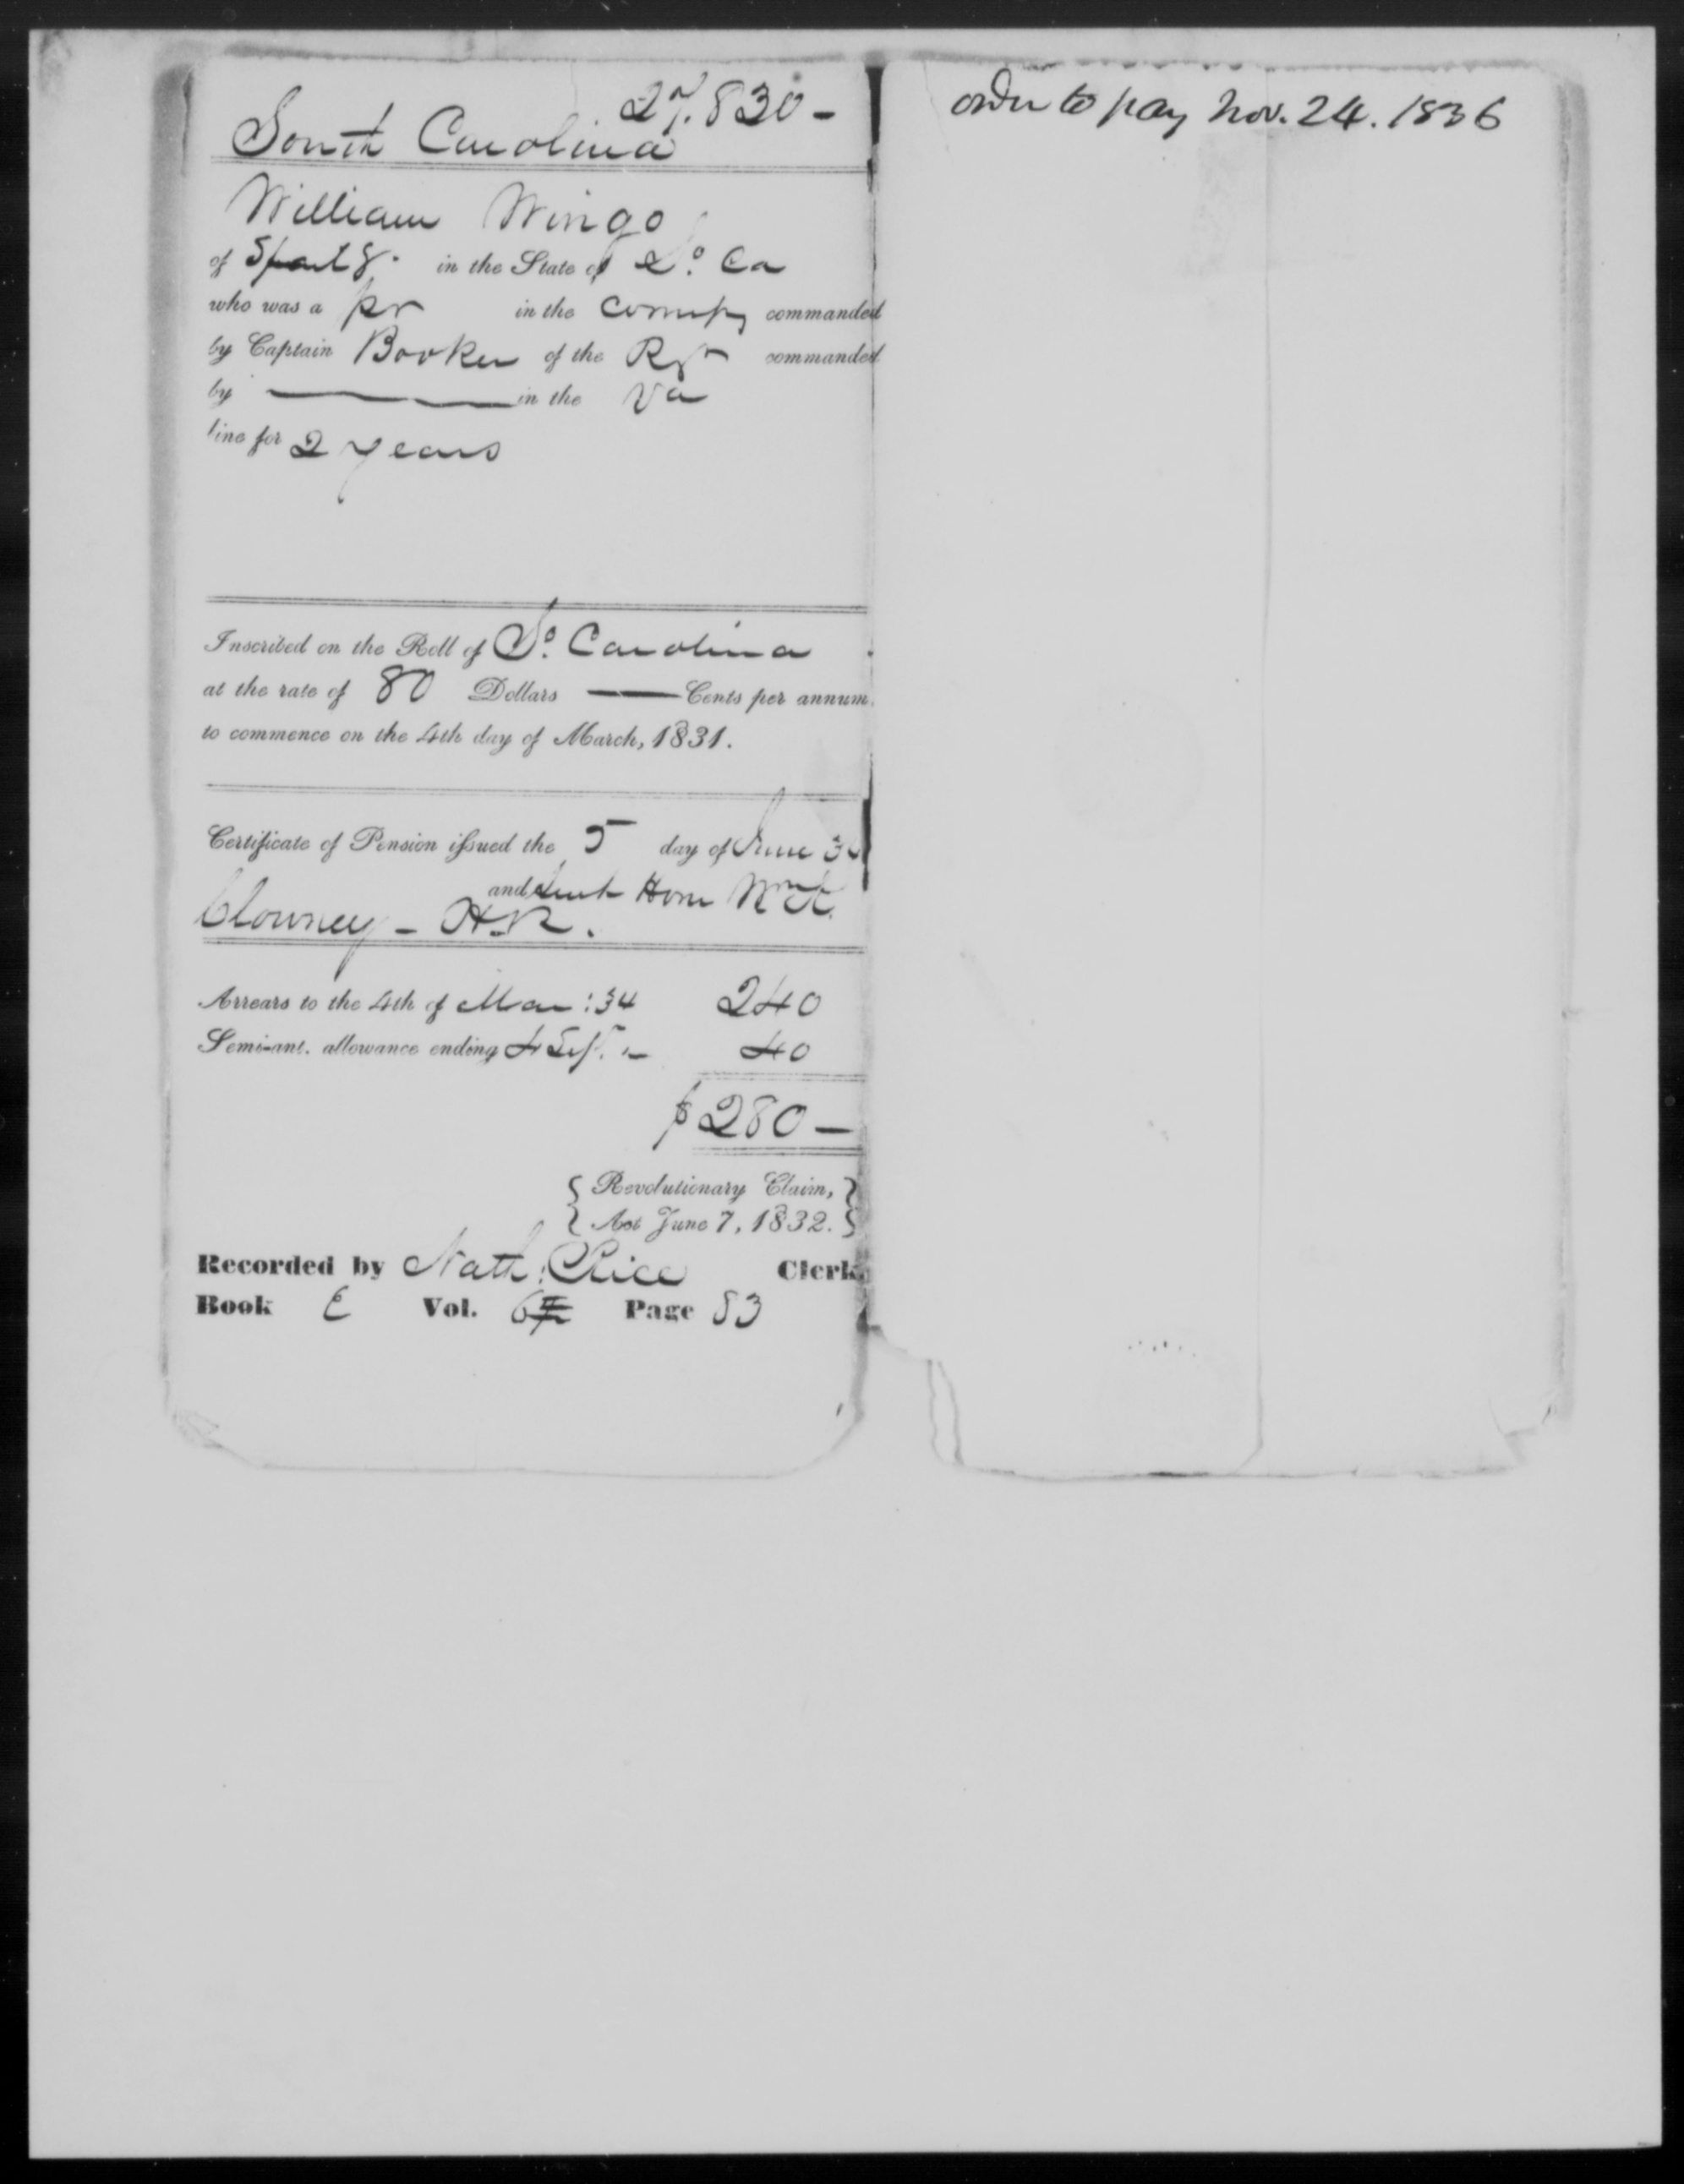27.830
South Carolina
William Wingo of Spart g in the State of So. Ca who was a pr in the comp commanded by Captain Booker of the Rgt commanded by - in the Va line for 2 years
Inscribed on the Roll of So. Carolina at the rate fo 80 Dollars - Cents per annum to commence on teh 4th day of March,1831.
Certificate of Pension issued the 5 day of June 34 and sent Hon Wm K Clowney _ H.R.
Arrears to the 4th of Mar : 34 240
Semi-anl. allowance ending 4 Sept 40
$280
{Revolutionary Claim, Act June 7, 1832.}
Recorded by Nath Rice Clerk
Book E Vol. 6 Page 83
order to pay No. 24.1836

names: Wm K Clowney, Booker, Nath Rice, William Wingo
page: 2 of 19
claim: survivor's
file: S. 7,896, William Wingo, Va.